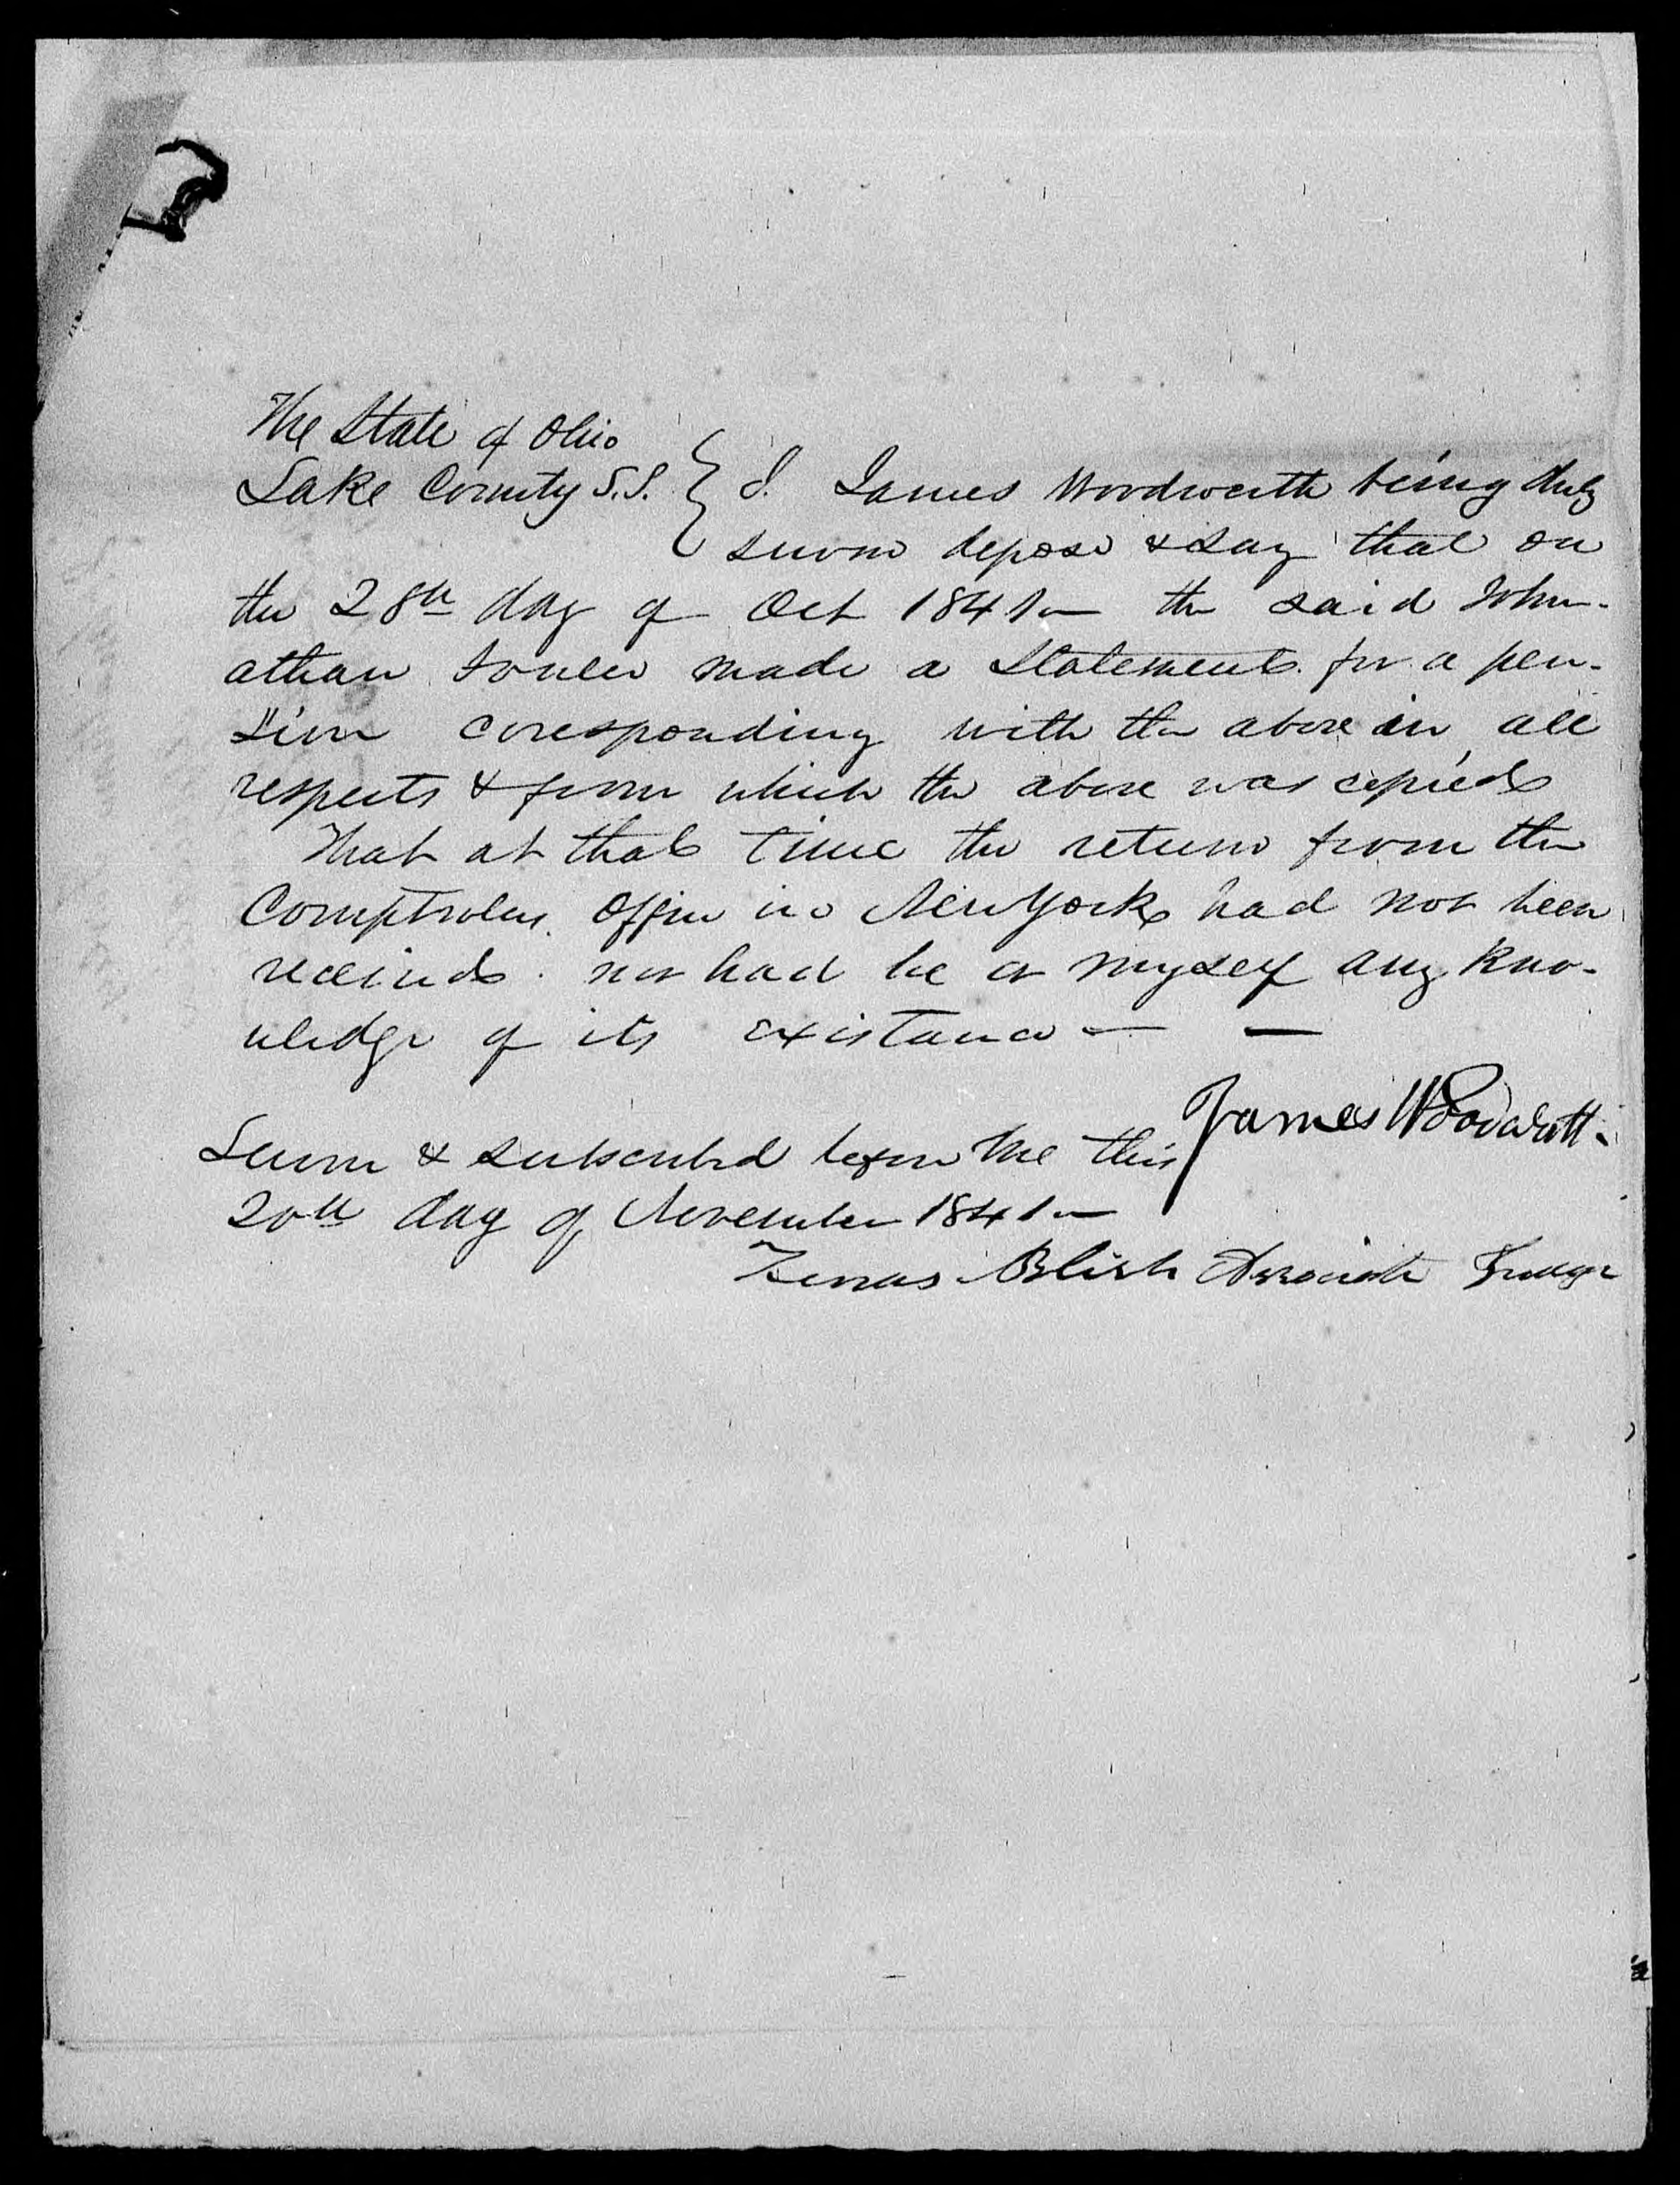The State of Ohio, Lake County S.S.
I, James Woodworth being duly sworn depose & say that on the 28th day of Oct 1841, the said Johnathan Fowler made a statement for a pension coresponding with the above in all respects & from which the above was copied.
That at that time the return from the Comptrolers Office in New York had not been received nor had he or  myself any knowledge of its existance.
James Woodworth

Sworn & subscribed before me this 20th day of November 1841.
Zenas Blish Associate Judge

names: James Woodworth, James Woodworth, Johnathan Fowler, Zenas Blish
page: 8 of 44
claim: survivor's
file: S. 23639, Jonathan Fowler, New York